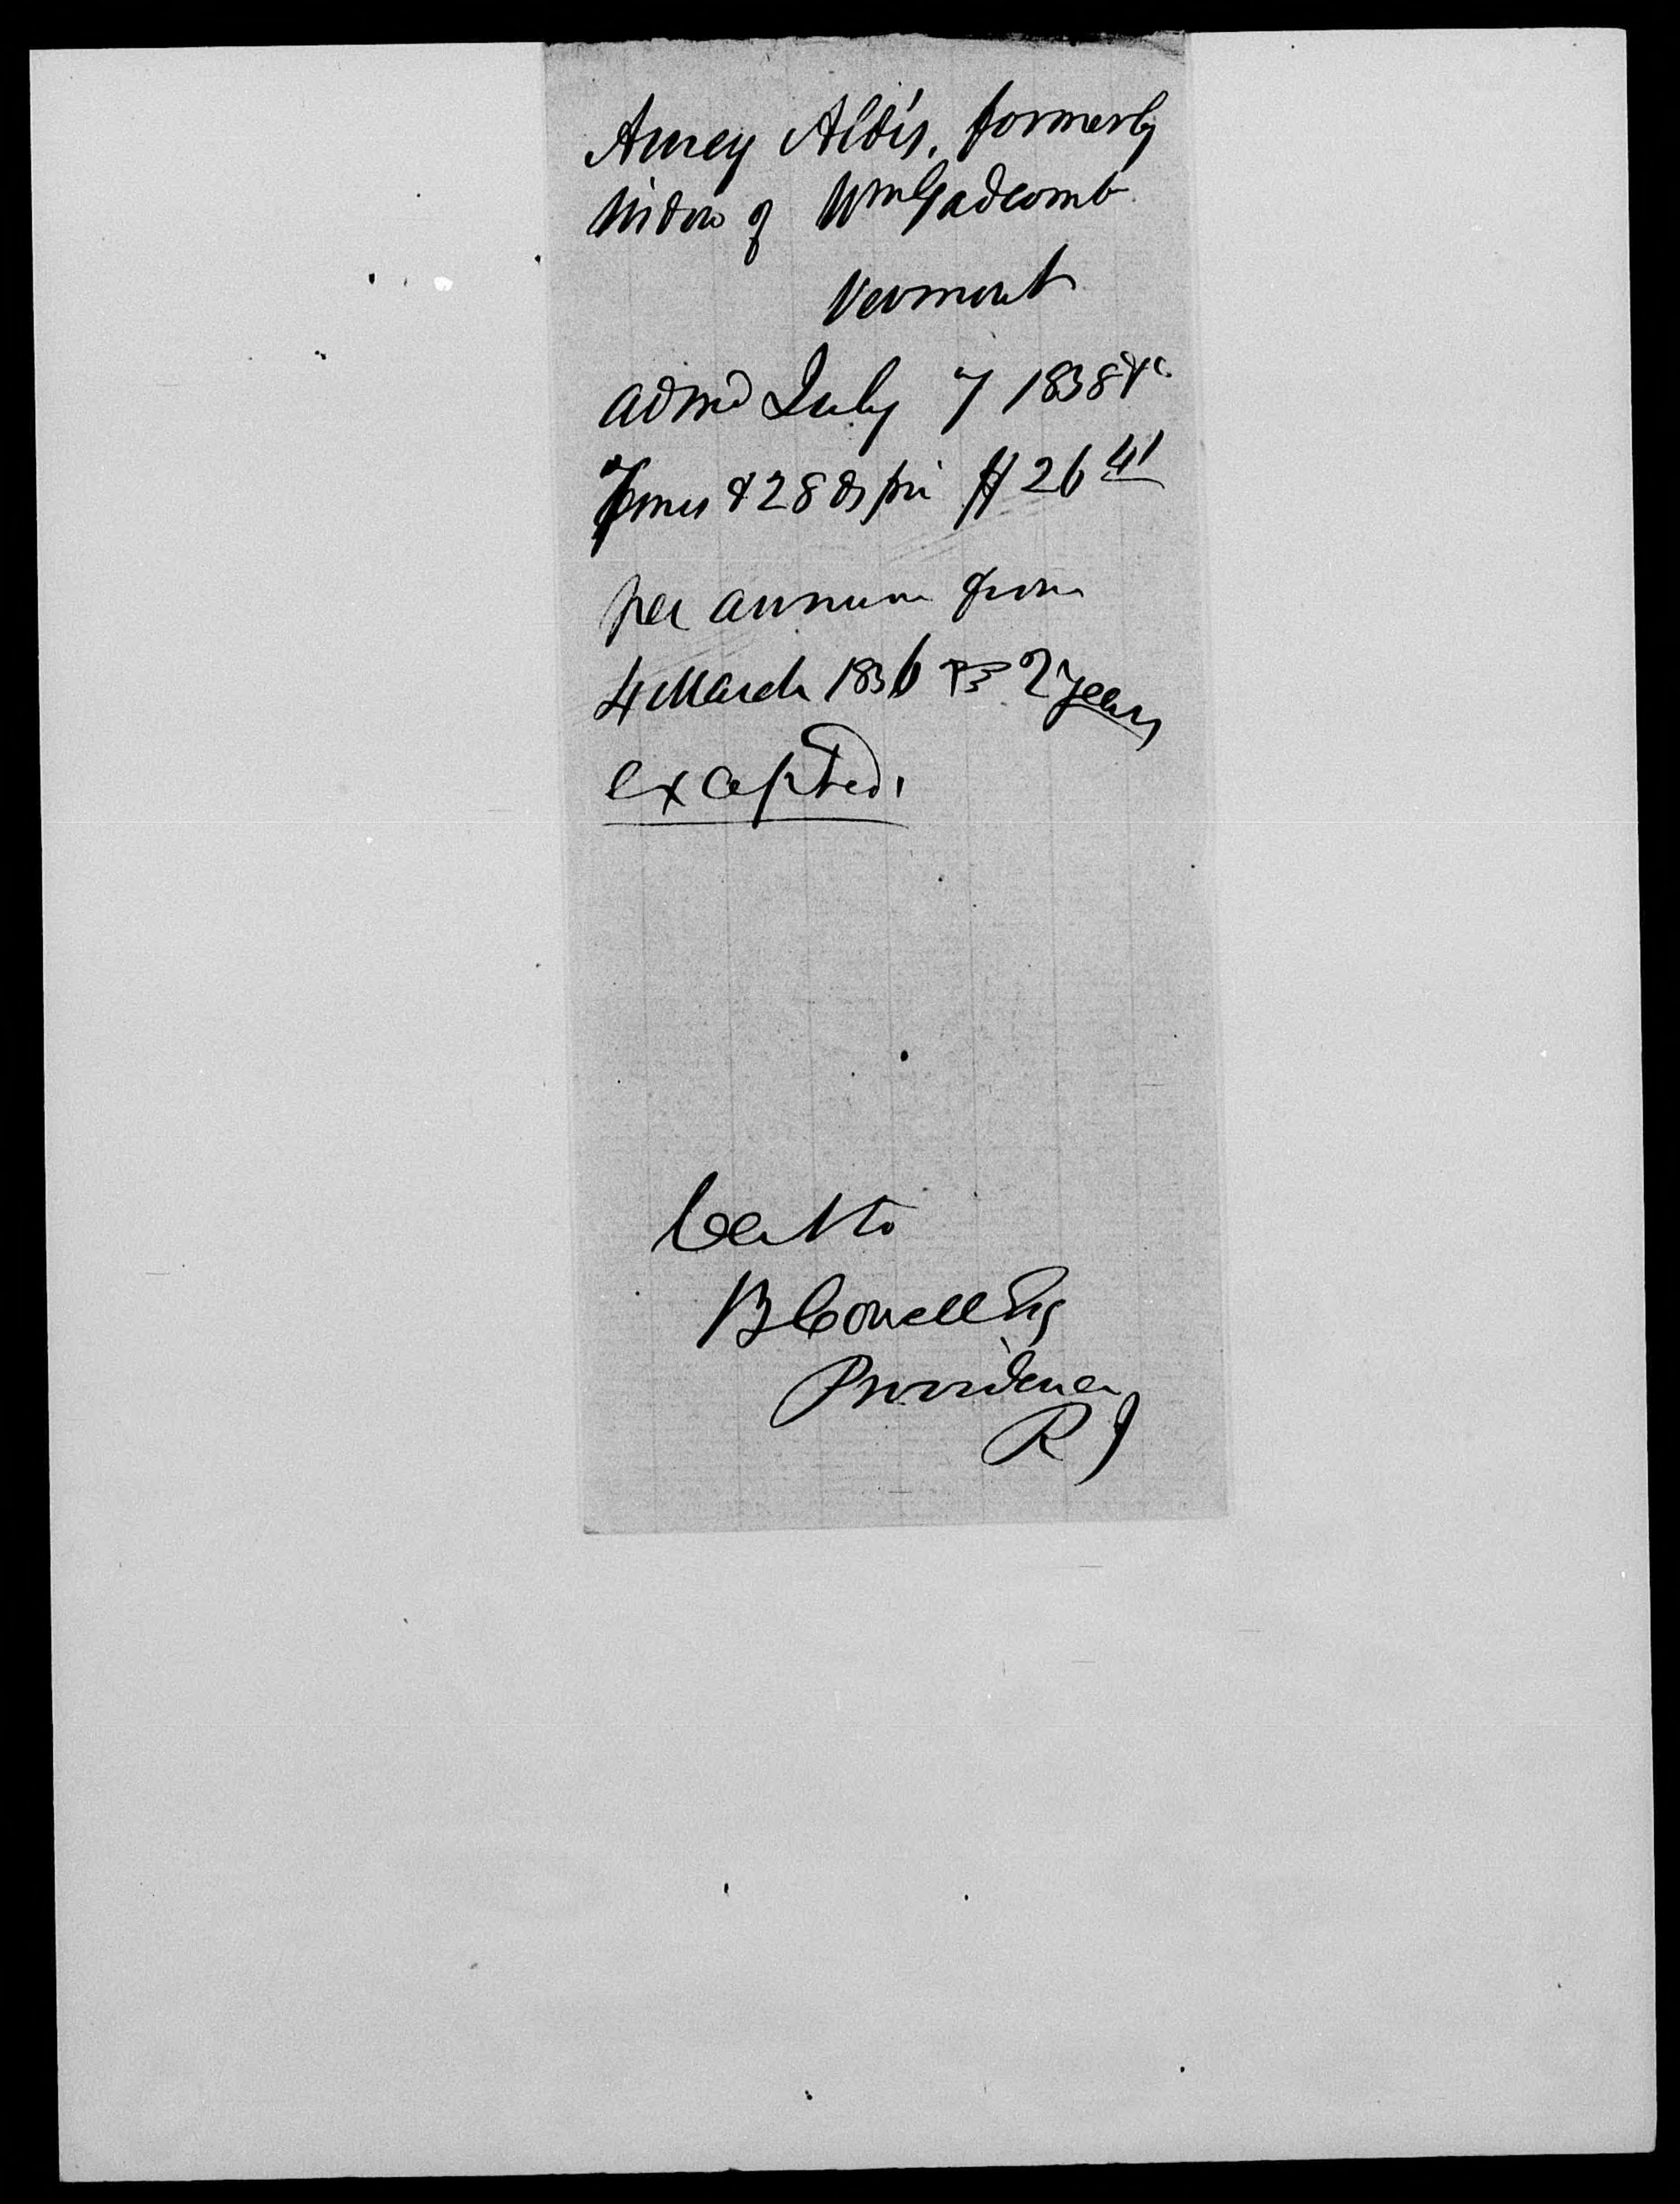Amey Aldis formerly widow of Wm Gadcomb Vermont
Admd July 7 1838 &c. 
7 mos * 28 as pri $26.41 per annum from 4 March 1836 2 years excepted. 

[illegible] to B Cowell Esq. Providence RI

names: Wm Gadcomb, Amey Aldis, B Cowell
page: 48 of 76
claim: widow's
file: W. 15,517, William Gadcomb, R.I.